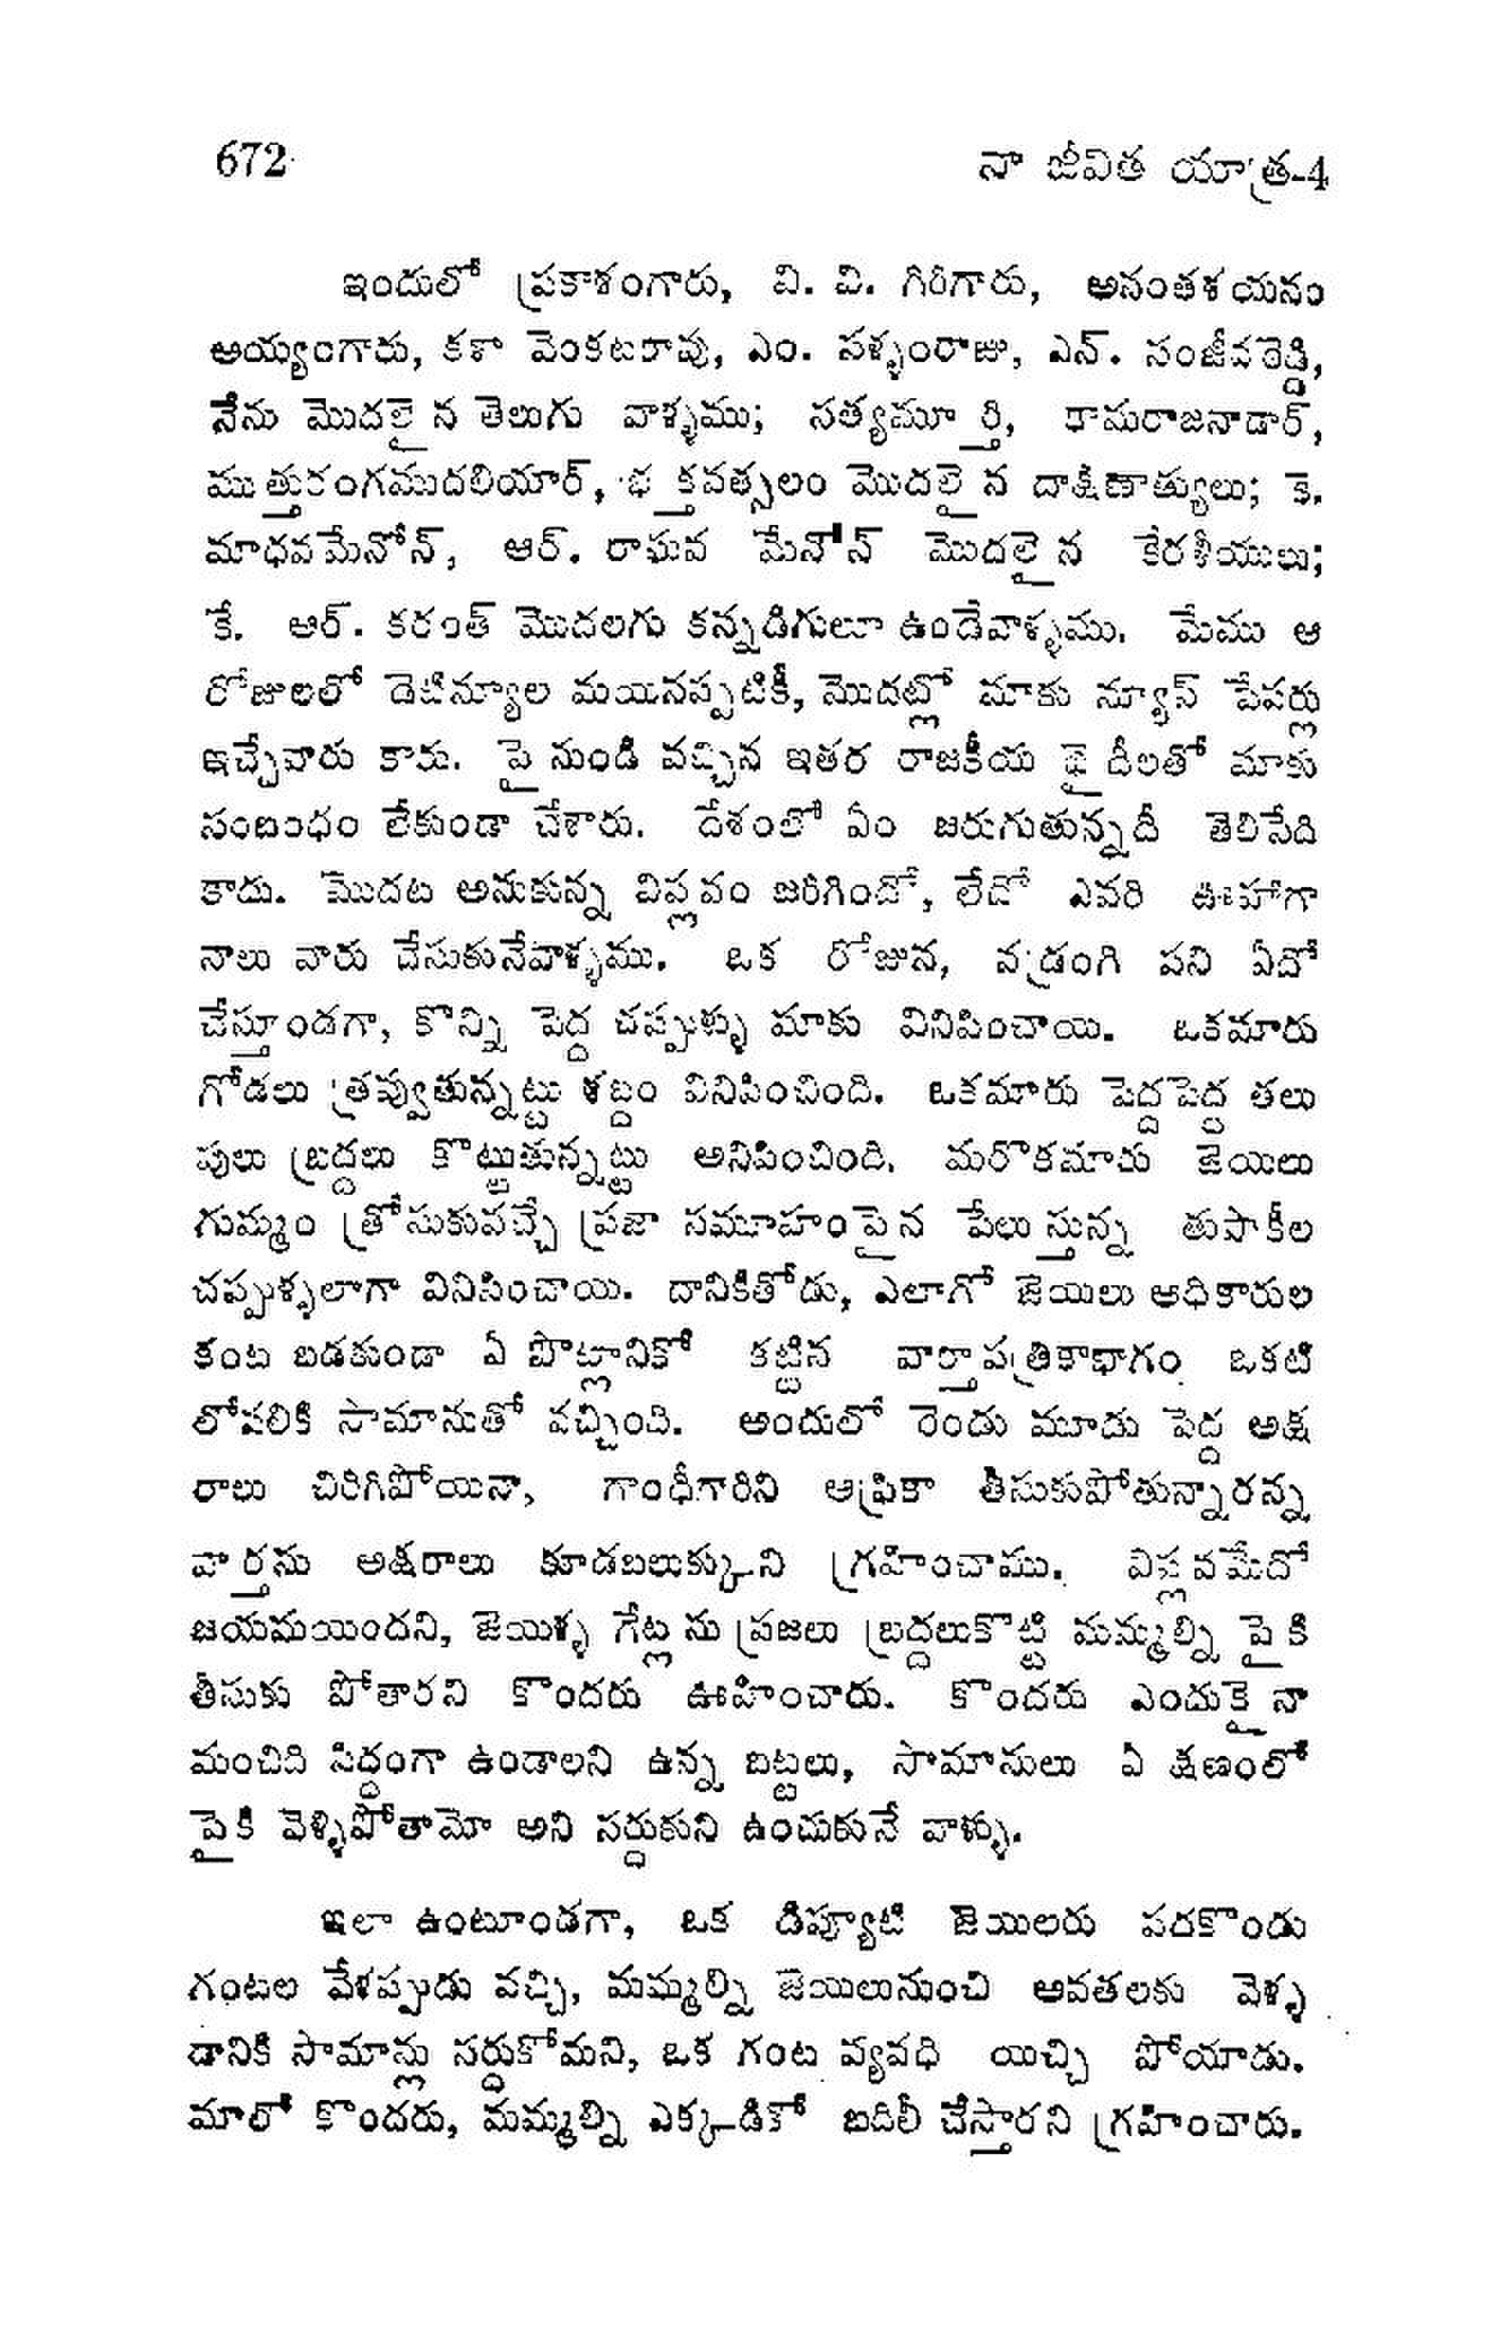ఇందులో ప్రకాశంగారు, వి.వి. గిరిగారు, అనంతశయనం అయ్యంగారు, కళా వెంకటరావు, ఎం. పళ్ళంరాజు, ఎన్. సంజీవరెడ్డి, నేను మొదలైన తెలుగు వాళ్ళము; సత్యమూర్తి, కామరాజనాడార్, ముత్తురంగముదలియార్, భక్తవత్సలం మొదలైన దాక్షిణాత్యులు; కె. మాధవమేనోన్, ఆర్. రాఘవ మేనోన్ మొదలైన కేరళీయులు; కే.ఆర్. కరంత్ మొదలగు కన్నడిగులూ ఉండేవాళ్ళము; మేము ఆ రోజులలో డెటిన్యూల మయినప్పటికి, మొదట్లో మాకు న్యూస్ పేపర్లు ఇచ్చేవారు కారు. పై నుండి వచ్చిన ఇతర రాజకీయ ఖైదీలతో మాకు సంబంధం లేకుండా చేశారు. దేశంలో ఏం జరుగుతున్నదీ తెలిసేది కాదు. మొదట అనుకున్న విప్లవం జరిగిందో, లేదో ఎవరి ఊహాగానాలు వారు చేసుకునేవాళ్ళము. ఒక రోజున, వడ్రంగి పని ఏదో చేస్తూండగా, కొన్ని పెద్ద చప్పుళ్ళు మాకు వినిపించాయి. ఒకమారు గోడలు త్రవ్వుతున్నట్టు శబ్దం వినిపించింది. ఒకమారు పెద్దపెద్ద తలుపులు బ్రద్దలు కొట్టు తున్నట్టు అనిపించింది. మరొకమారు జెయిలు గుమ్మం త్రోసుకువచ్చే ప్రజా సమూహంపైన పేలుస్తున్న తుపాకీల చప్పుళ్ళలాగా వినిపించాయి. దానికితోడు, ఎలాగో జెయిలు అధికారుల కంట బడకుండా ఏ పొట్లానికో కట్టిన వార్తాపత్రికాభాగం ఒకటి లోపలికి సామానుతో వచ్చింది. అందులో రెండు మూడు పెద్ద అక్షరాలు చిరిగిపోయినా, గాంధీగారిని ఆఫ్రికా తీసుకు పోతున్నారన్న వార్తను అక్షరాలు కూడబలుక్కుని గ్రహించాము. విప్లవమేదో జయ మయిందని, జెయిళ్ళ గేట్లను ప్రజలు బ్రద్దలుకొట్టి మమ్మల్ని పైకి తీసుకు పోతారని కొందరు ఊహించారు. కొందరు ఎందుకైనా మంచిది సిద్ధంగా ఉండాలని ఉన్న బట్టలు, సామానులు ఏ క్షణంలో పైకి వెళ్ళిపోతామో అని సర్దుకుని ఉంచుకునే వాళ్ళు.

ఇలా ఉంటూండగా, ఒక డిప్యూటి జెయిలరు పదకొండు గంటల వేళప్పుడు వచ్చి, మమ్మల్ని జెయిలునుంచి అవతలకు వెళ్ళడానికి సామాన్లి సర్దుకోమని, ఒక గంట వ్యవధి యిచ్చి పోయాడు. మాలో కొందరు, మమ్మల్ని ఎక్కడికో బదిలీ చేస్తారని గ్రహించారు.